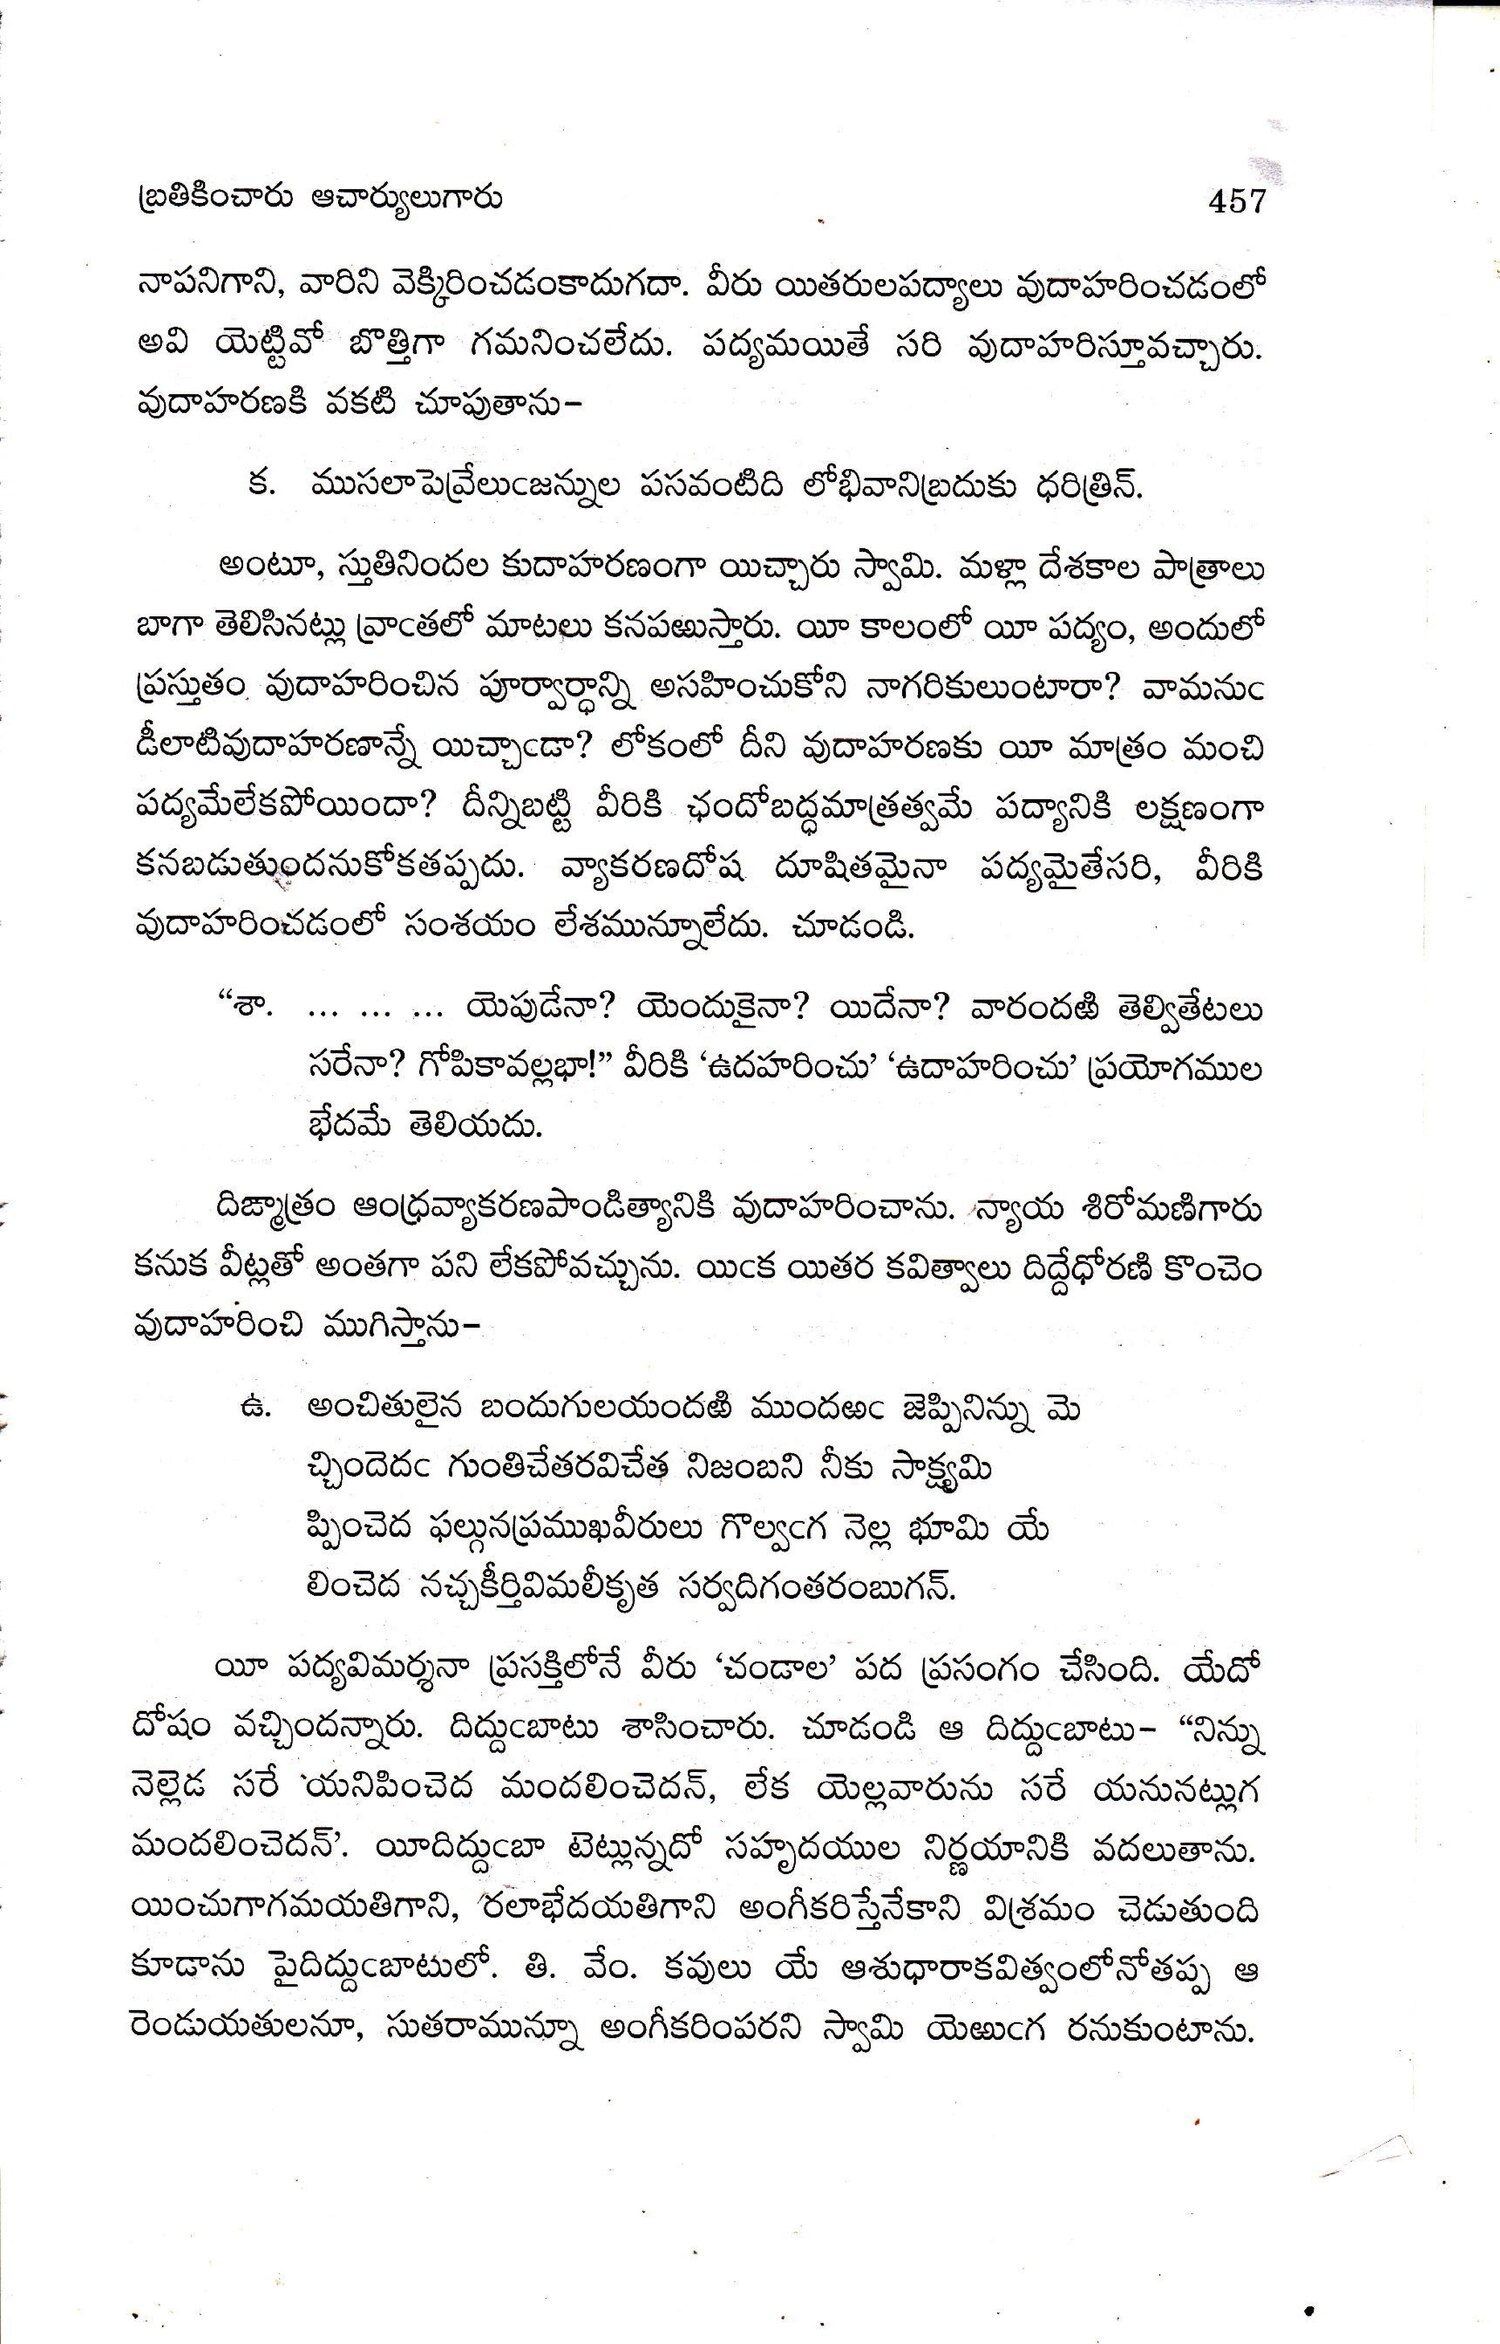నాపనిగాని, వారిని వెక్కిరించడంకాదుగదా. వీరు యితరులపద్యాలు వుదాహరించడంలో అవి యెట్టివో బొత్తిగా గమనించలేదు. పద్యమయితే సరి వుదాహరిస్తూవచ్చారు. వుదాహరణకి వకటి చూపుతాను

క, ముసలాపెవ్రేలుఁజన్నుల పసవంటిది లోభివానిబ్రదుకు ధరిత్రిన్
అంటూ, స్తుతినిందల కుదాహరణంగా యిచ్చారు స్వామి. మళ్లా దేశకాల పాత్రాలు బాగా తెలిసినట్లు వ్రాఁతలో మాటలు కనపఱుస్తారు. యీ కాలంలో యీ పద్యం, అందులో ప్రస్తుతం వుదాహరించిన పూర్వార్ధాన్ని అసహించుకోని నాగరికులుంటారా? వామనుఁ డీలాటివుదాహరణాన్నే యిచ్చాఁడా? లోకంలో దీని వుదాహరణకు యీ మాత్రం మంచి పద్యమేలేకపోయిందా? దీన్నిబట్టి వీరికి ఛందోబద్ధమాత్రత్వమే పద్యానికి లక్షణంగా కనబడుతుందనుకోకతప్పదు. వ్యాకరణదోష దూషితమైనా పద్యమైతేసరి, వీరికి వుదాహరించడంలో సంశయం లేశమున్నూలేదు. చూడండి.

"శా.. ... .. . ... యెపుడేనా? యెందుకైనా? యిదేనా? వారందఱి తెల్వితేటలు సరేనా? గోపికావల్లభా!” వీరికి 'ఉదహరించు' 'ఉదాహరించు' ప్రయోగముల భేదమే తెలియదు.

దిజ్మాత్రం ఆంధ్రవ్యాకరణపాండిత్యానికి వుదాహరించాను. న్యాయ శిరోమణిగారు కనుక వీట్లతో అంతగా పని లేకపోవచ్చును. యిఁక యితర కవిత్వాలు దిద్దేధోరణి కొంచెం వుదాహరించి ముగిస్తాను-

ఉ. అంచితులైన బందుగులయందఱి ముందఱఁ జెప్పినిన్ను మె
 చ్చిందెదఁ గుంతిచేతరవిచేత నిజంబని నీకు సాక్ష్యమి 
 ప్పించెద ఫల్గునప్రముఖవీరులు గొల్వఁగ నెల్ల భూమి యే 
 లించెద నచ్చకీర్తివిమలీకృత సర్వదిగంతరంబుగన్.
యీ పద్యవిమర్శనా ప్రసక్తిలోనే వీరు 'చండాల' పద ప్రసంగం చేసింది. యేదో దోషం వచ్చిందన్నారు. దిద్దుఁబాటు శాసించారు. చూడండి ఆ దిద్దుఁబాటు- "నిన్ను నెల్లెడ సరే 'యనిపించెద మందలించెదన్, లేక యెల్లవారును సరే యనునట్లుగ మందలించెదన్‌'. యీదిద్దుఁబా టెట్లున్నదో సహృదయుల నిర్ణయానికి వదలుతాను. యించుగాగమయతిగాని, రలాభేదయతిగాని అంగీకరిస్తేనేకాని విశ్రమం చెడుతుంది కూడాను పైదిద్దుఁబాటులో, తి. వేం. కవులు యే ఆశుధారాకవిత్వంలోనోతప్ప ఆ రెండుయతులనూ, సుతరామున్నూ అంగీకరింపరని స్వామి యెఱుఁగ రనుకుంటాను.